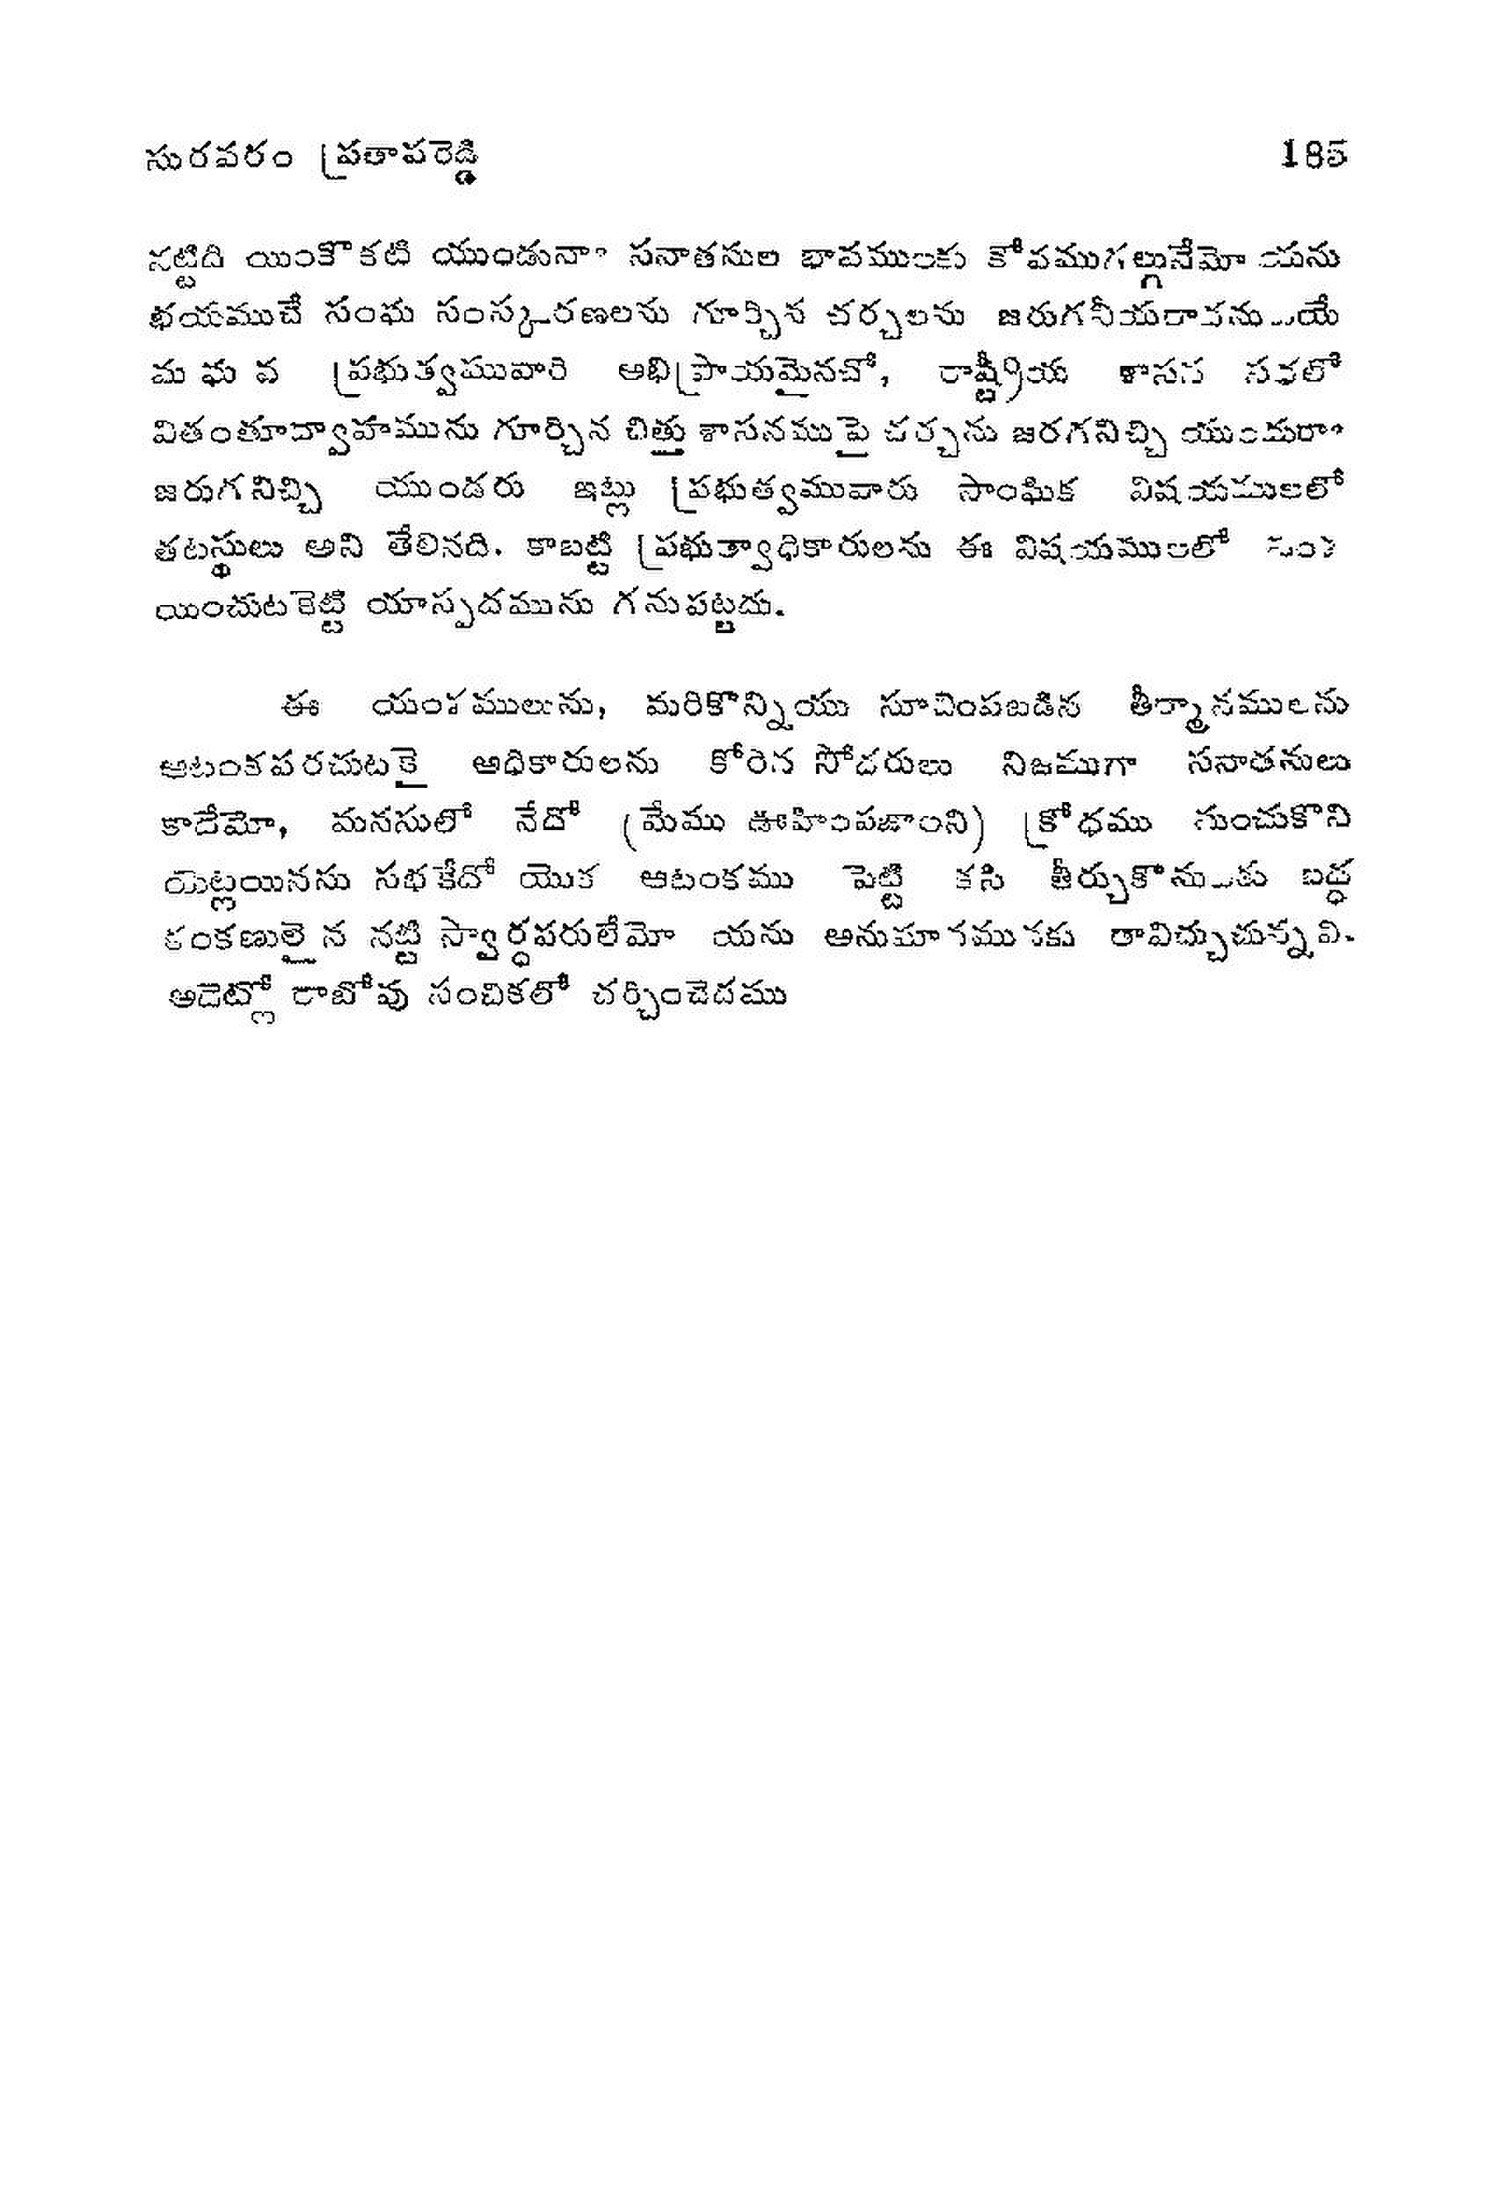నట్టిది యింకొకటి యుండునా? సనాతనుల భావములకు కోపముగల్గునేమో యను భయముచే సంఘ సంస్కరణలను గూర్చిన చర్చలను జరుగనీయరాదనుటయే మ ఘ వ ప్రభుత్వమువారి అభిప్రాయమైనచో, రాష్ట్రీయ శాసన సభలో వితంతూద్వాహమును గూర్చిన చిత్తు శాసనముపై చర్చను జరగనిచ్చి యుందురా? జరుగనిచ్చి యుండరు ఇట్లు ప్రభుత్వమువారు సాంఘిక విషయములలో తటస్థులు అని తేలినది. కాబట్టి ప్రభుత్వాధికారులను ఈ విషయములలో సంశయించుటకెట్టి యాస్పదమును గనుపట్టదు.

ఈ యంశములును, మరికొన్నియు సూచింపబడిన తీర్మానములను ఆటంకపరచుటకై అధికారులను కోరిన సోదరులు నిజముగా సనాతనులు కాదేమో, మనసులో నేదో (మేము ఊహింపజాలని) క్రోధము నుంచుకొని
యెట్లయినను సభకేదో యొక ఆటంకము పెట్టి కసి తీర్చుకొన్నుటకు బద్ధకంకణులైన నట్టి స్వార్ధపరులేమో యను అనుమానమునకు తావిచ్చుచున్నవి. అదెట్లో రాబోవు సంచికలో చర్చించెదము